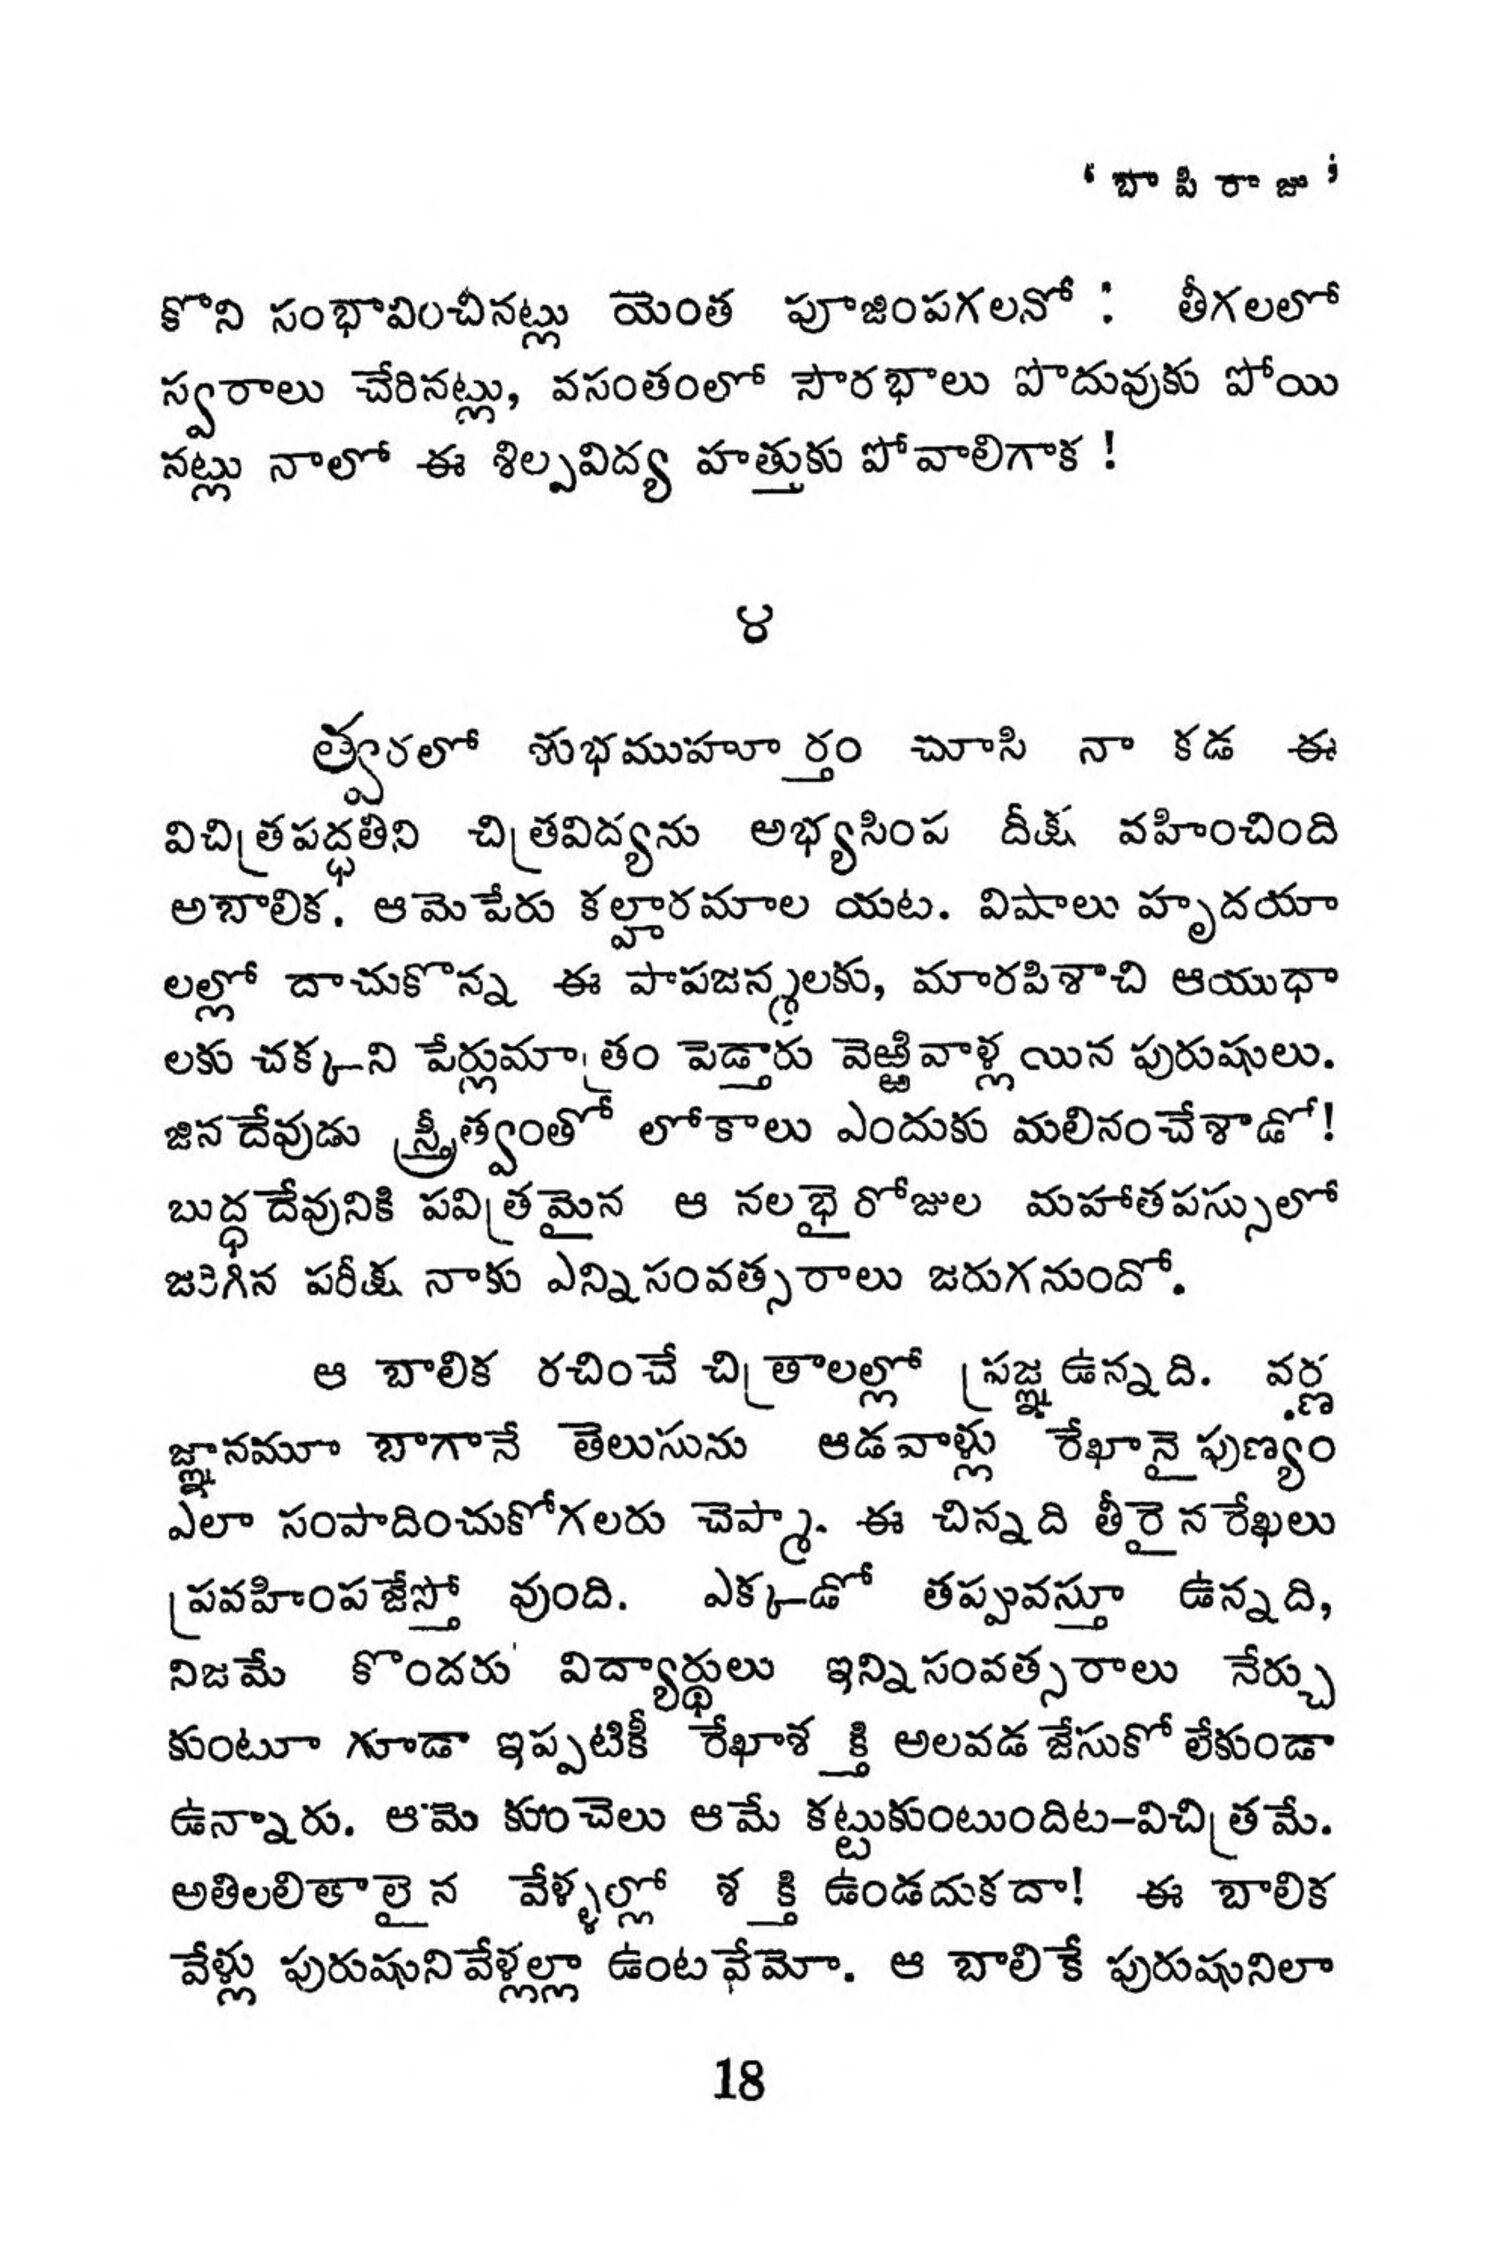కొని సంభావించినట్లు యెంత పూజింపగలనో : తీగలలో స్వరాలు చేరినట్లు, వసంతంలో సౌరభాలు పొదువుకు పోయినట్లు నాలో ఈ శిల్పవిద్య హత్తుకు పోవాలిగాక!

త్వరలో శుభముహూర్తం చూసి నా కడ ఈ విచిత్రపద్ధతిని చిత్రవిద్యను అభ్యసింప దీక్ష వహించింది అబాలిక. ఆమెపేరు కల్హారమాల యట. విషాలు హృదయాలల్లో దాచుకొన్న ఈ పాపజన్మలకు, మారపిశాచి ఆయుధాలకు చక్కని పేర్లుమాత్రం పెడ్తారు వెఱ్ఱివాళ్లయిన పురుషులు. జినదేవుడు స్త్రీత్వంతో లోకాలు ఎందుకు మలినంచేశాడో! బుద్ధ దేవునికి పవిత్రమైన ఆ నలభైరోజుల మహాతపస్సులో జరిగిన పరీక్ష నాకు ఎన్నిసంవత్సరాలు జరుగనుందో.

ఆ బాలిక రచించే చిత్రాలల్లో ప్రజ్ఞ ఉన్నది. వర్ణ జ్ఞానమూ బాగానే తెలుసును ఆడవాళ్లు రేఖానైపుణ్యం ఎలా సంపాదించుకోగలరు చెప్మా. ఈ చిన్నది తీరైనరేఖలు ప్రవహింపజేస్తో వుంది. ఎక్కడో తప్పువస్తూ ఉన్నది, నిజమే కొందరు విద్యార్థులు ఇన్ని సంవత్సరాలు నేర్చుకుంటూ గూడా ఇప్పటికీ రేఖాశక్తి అలవడజేసుకో లేకుండా ఉన్నారు. ఆమె కుంచెలు ఆమే కట్టుకుంటుందిట - విచిత్రమే. అతిలలితాలైన వేళ్ళల్లో శక్తి ఉండదుకదా! ఈ బాలిక వేళ్లు పురుషునివేళ్లల్లా ఉంటవేమో. ఆ బాలికే పురుషునిలా